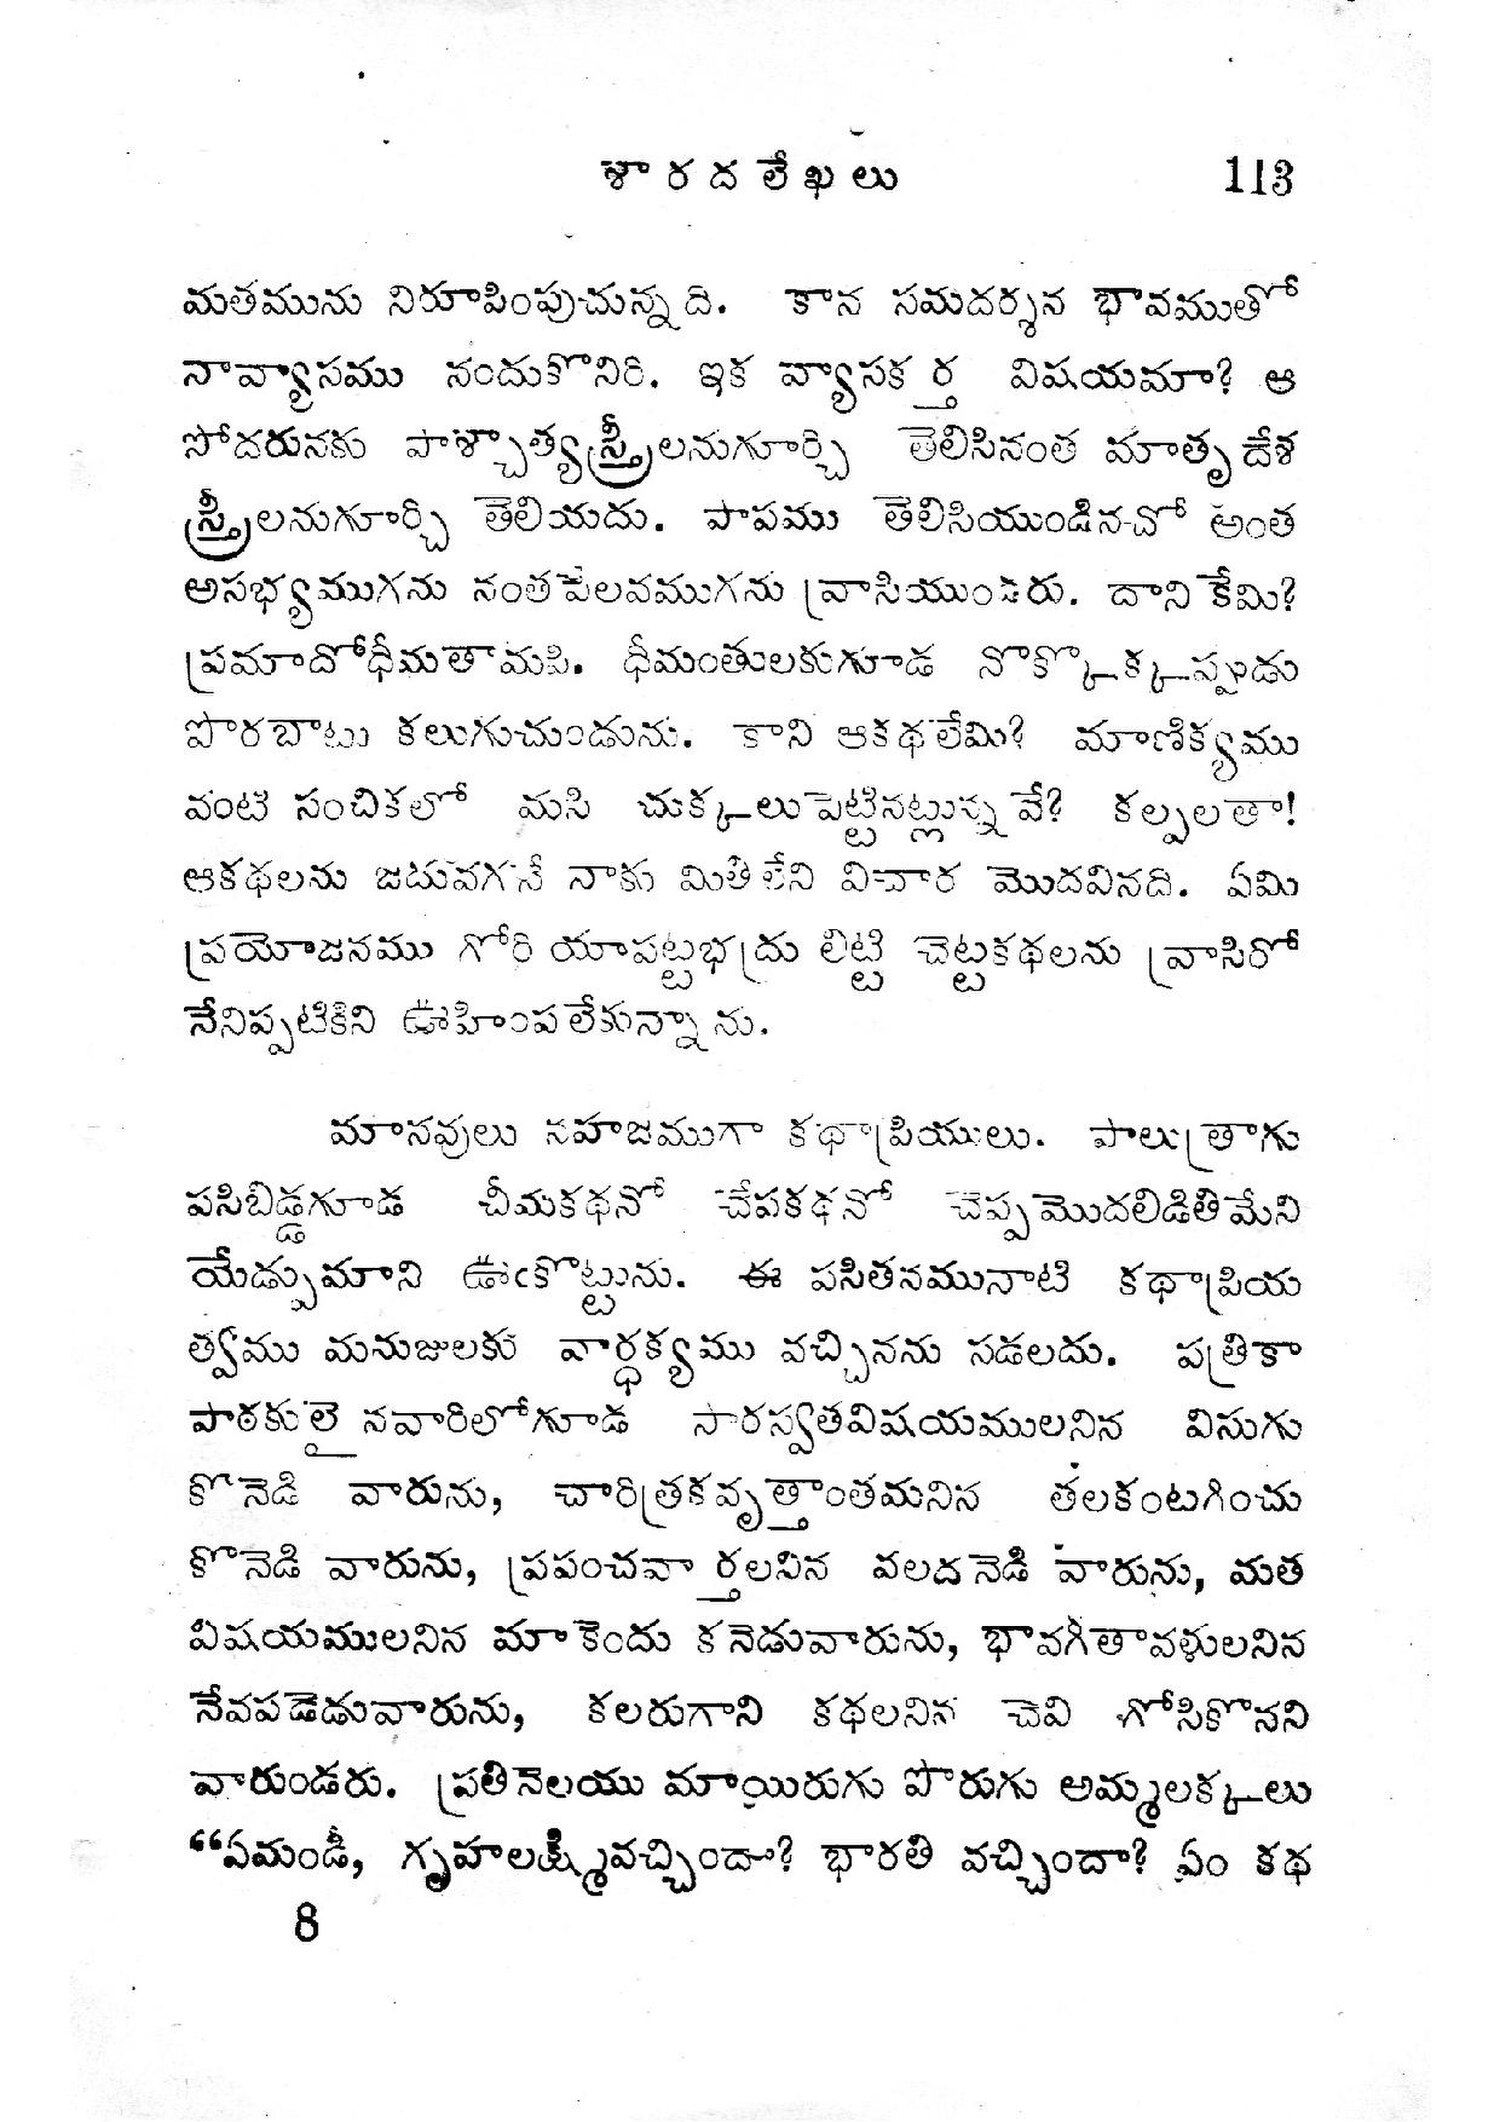మతమును నిరూపింపుచున్నది. కాన సమదర్శన భావముతో నావ్యాసము నందుకొనిరి. ఇక వ్యాసకర్త విషయమా? ఆ సోదరునకు పాశ్చాత్యస్త్రీలనుగూర్చి తెలిసినంత మాతృదేశ స్త్రీలనుగూర్చి తెలియదు. పాపము తెలిసియుండినచో అంత అసభ్యముగను నంతపేలవముగను వ్రాసియుండరు. దానికేమి?
ప్రమాదోధీమతామపి. ధీమంతులకుగూడ నొక్కొక్కప్పుడు పొరబాటు కలుగుచుండును. కాని ఆకథలేమి? మాణిక్యము వంటి సంచికలో మసి చుక్కలుపెట్టినట్లున్న వే? కల్పలతా! ఆకథలను జదువగనే నాకు మితిలేని విచార మొదవినది. ఏమి ప్రయోజనము గోరి యాపట్టభద్రు లిట్టి చెట్టకథలను వ్రాసిరో
నేనిప్పటికిని ఊహింపలేకున్నాను.

మానవులు సహజముగా కథాప్రియులు. పాలుత్రాగు పసిబిడ్డగూడ చీమకథనో చేపకథనో చెప్పమొదలిడితిమేని యేడ్పుమాని ఊఁకొట్టును. ఈ పసితనమునాటి కథాప్రియత్వము మనుజులకు వార్ధక్యము వచ్చినను సడలదు. పత్రికా పాఠకులైనవారిలోగూడ సారస్వతవిషయములనిన విసుగుకొనెడి వారును, చారిత్రకవృత్తాంతమనిన తలకంటగించుకొనెడి వారును, ప్రపంచవార్తలనిన వలదనెడి వారును, మతవిషయములనిన మాకెందు కనెడువారును, భావగీతావళులనిన నేవపడెడువారును, కలరుగాని కథలనిన చెవి గోసికొనని వారుండరు. ప్రతినెలయు మాయిరుగు పొరుగు అమ్మలక్కలు “ఏమండీ, గృహలక్ష్మివచ్చిందా? భారతి వచ్చిందా? ఏం కథ